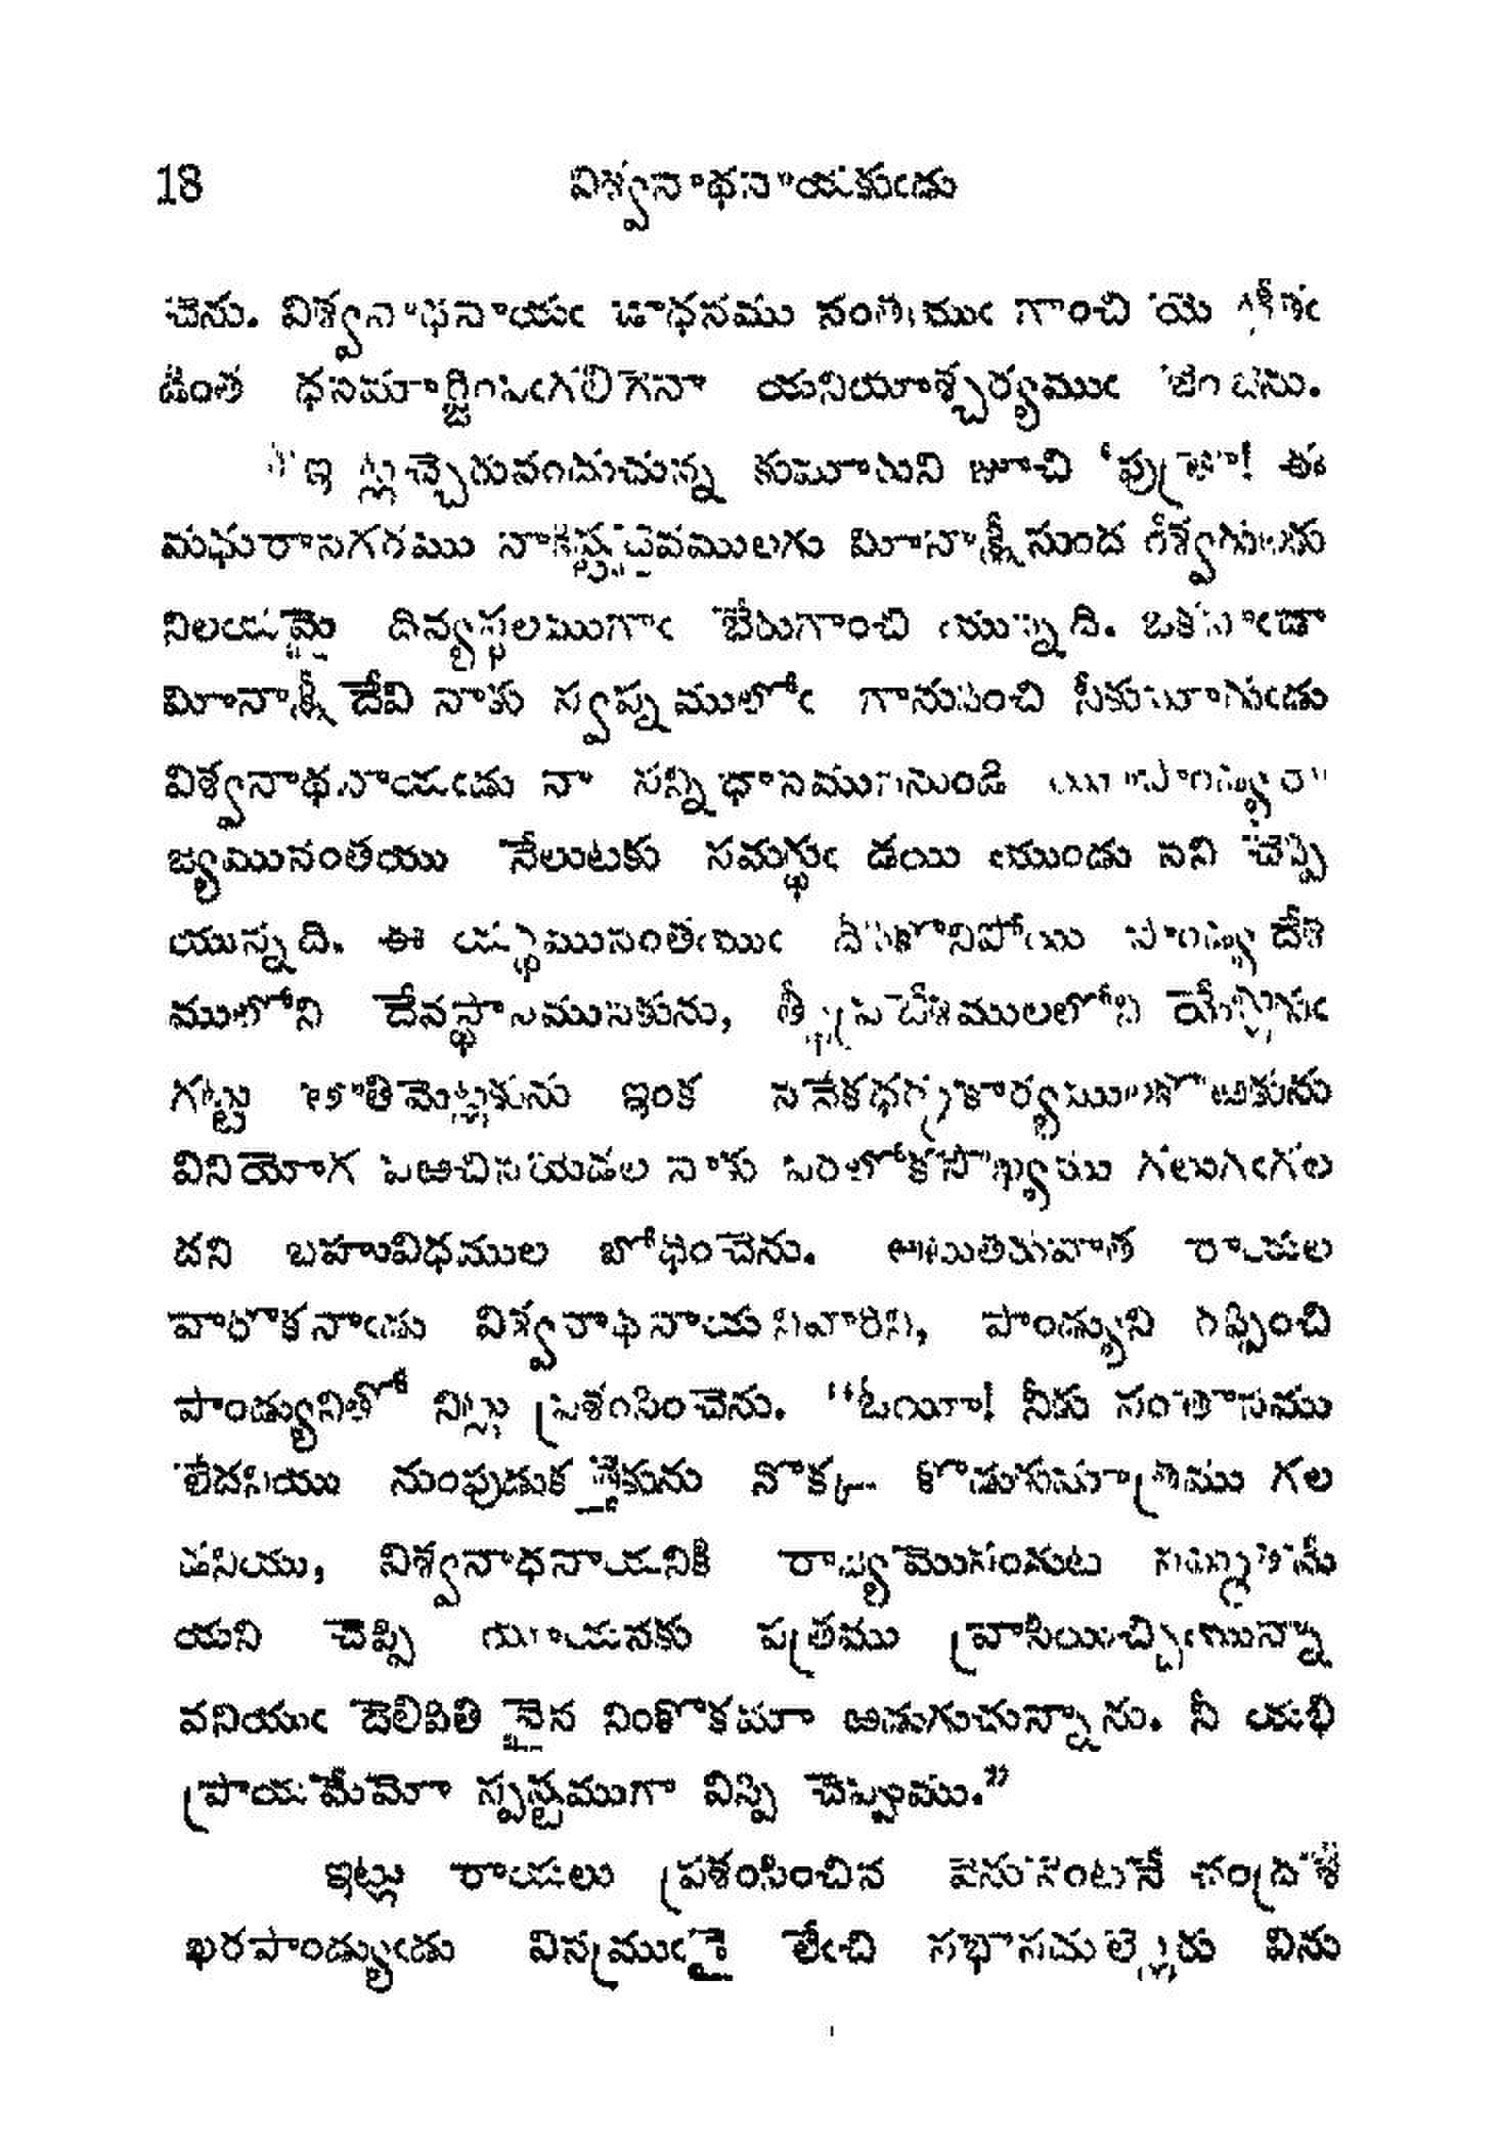చెను. విశ్వనాధనాయఁ డాధనము నంతయుఁ గాంచి యెట్లీతఁడింత ధనమార్జింపఁగలిగెనా యనియాశ్చర్యముఁ జెందెను.

ఇ ట్లచ్చెరువందుచున్న కుమారుని జూచి 'పుత్రా! ఈ మధురానగరము నాకిష్టదైవములగు మీనాక్షీసుందరేశ్వరులకు నిలయమై దివ్యస్థలముగాఁ బేరుగాంచి యున్నది. ఒకనాఁడా మీనాక్షీదేవి నాకు స్వప్నములోఁ గానుపించి నీకుమారుఁడు విశ్వనాథనాయఁడు నా సన్నిధానముననుండి యీపాండ్యరాజ్యమునంతయు నేలుటకు సమర్థుఁ డయి యుండు నని చెప్పియున్నది. ఈ యర్థమునంతయుఁ దీసికొనిపోయి పాండ్యదేశములోని దేవస్థానమునకును, తీర్థప్రదేశములలోని యేళ్ళుకుఁ గట్టు ఱాతిమెట్లకును ఇంక ననేకధర్మకార్యములకొఱకును వినియోగ పఱచినయెడల నాకు పరలోకసౌఖ్యము గలుగఁగలదని బహువిధముల బోధించెను. అటుతరువాత రాయలవారొకనాఁడు విశ్వనాథనాయనివారిని, పాండ్యుని రప్పించి పాండ్యునితో నిట్లు ప్రశంసించెను. "ఓయీ! నీకు సంతానము లేదనియు నుంపుడుకత్తెకును నొక్క కొడుకుమాత్రము గలడనియు, విశ్వనాధనాయనికి రాజ్యమొసంగుట సమ్మతమేయని చెప్పి యాయనకు పత్రము వ్రాసియిచ్చియున్నావనియుఁ దెలిపితి నైన నింకొకమా ఱడుగుచున్నాను. నీ యభిప్రాయమేమో స్పష్టముగా విప్పి చెప్పుము."

ఇట్లు రాయలు ప్రశంసించిన వెనువెంటనే చంద్రశేఖరపాండ్యుఁడు వినమ్రుఁడై లేఁచి సభాసదులెల్లరు విను